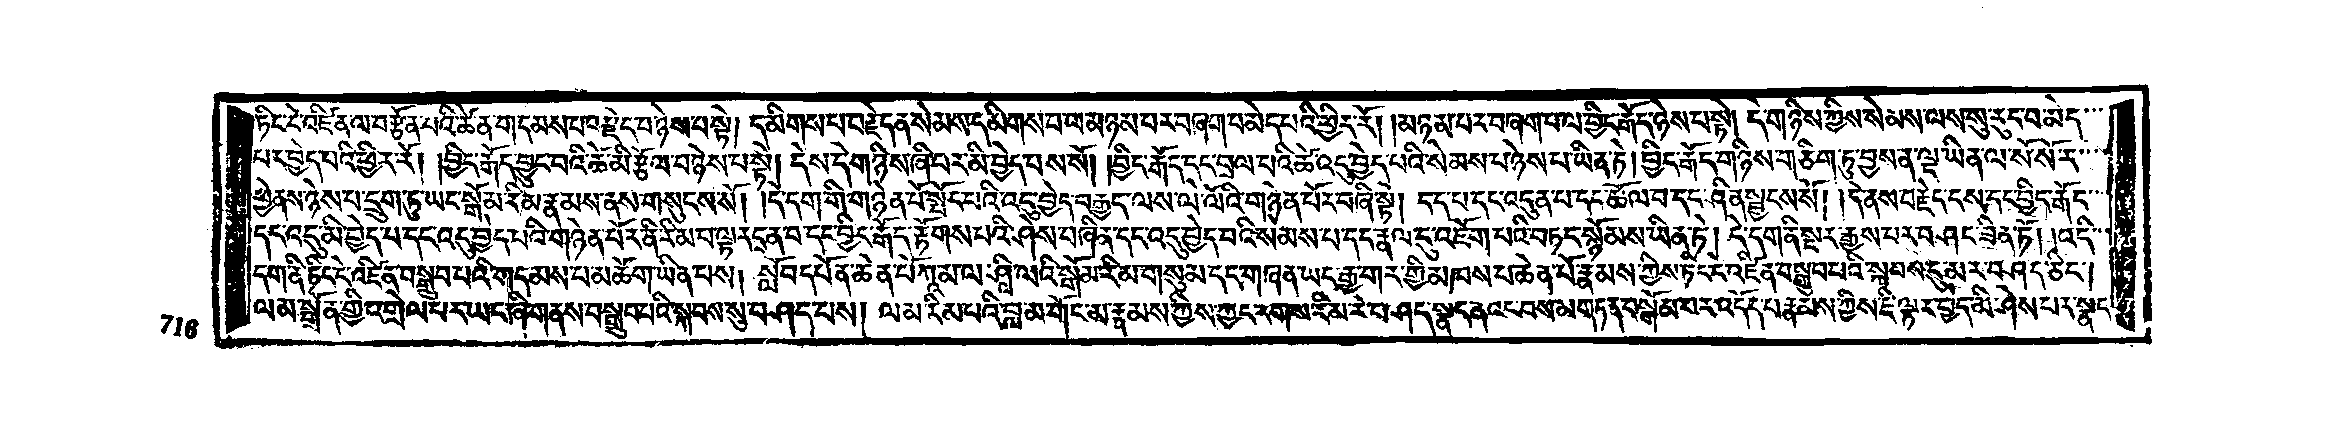ཏིང་ངེ་འཛིན་ལ་བརྩོན་པའི་ཚེ་ན་གདམས་པ་བརྗེད་པ་ཉེས་པ་སྟེ། དམིགས་པ་བརྗེད་ན་སེམས་དམིགས་པ་ལ་མཉམ་པར་བཞག་པ་མེད་པའི་ཕྱིར་རོ། །མཉམ་པར་བཞག་པ་ལ་བྱིང་རྒོད་ཉེས་པ་སྟེ། དེ་གཉིས་ཀྱིས་སེམས་ལས་སུ་རུང་བ་མེད་
བར་བྱེད་པའི་ཕྱིར་རོ། །བྱིང་རྒོད་བྱུང་བའི་ཚེ་མི་རྩོལ་བ་ཉེས་པ་སྟེ། དེས་དེ་གཉིས་ཞི་བར་མི་བྱེད་པས་སོ། །བྱིང་རྒོད་དང་བྲལ་བའི་ཚེ་འདུ་བྱེད་པའི་སེམས་པ་ཉེས་པ་ཡིན་ཏེ། བྱིང་རྒོད་གཉིས་གཅིག་ཏུ་བྱས་ན་ལྔ་ཡིན་ལ་སོ་སོར་
ཕྱེ་ནས་ཉེས་པ་དྲུག་ཏུ་ཡང་སྒོམ་རིམ་རྣམས་ནས་གསུངས་སོ། །དེ་དག་གི་གཉེན་པོ་སྤོང་བའི་འདུ་བྱེད་བརྒྱད་ལས་ལེ་ལོའི་གཉེན་པོར་བཞི་སྟེ། དད་པ་དང་འདུན་པ་དང་རྩོལ་བ་དང་ཤིན་སྦྱང་སོ། །དེ་ནས་བརྗེད་ངས་དང་བྱིང་རྒོད་
དང་འདུ་མི་བྱེད་པ་དང་འདུ་བྱེད་པའི་གཉེན་པོར་ནི་རིམ་པ་ལྟར་དྲན་པ་དང་བྱིང་རྒོད་རྟོགས་པའི་ཤེས་བཞིན་དང་འདུ་བྱེད་པའི་སེམས་པ་དང་རྣལ་དུ་འཇོག་པའི་བཏང་སྙོམས་ཡིན་ཏེ། དེ་དག་ནི་སྔར་རྒྱས་པར་བཤད་ཟིན་ཏོ། །འདི་
དག་ནི་ཏིང་ངེ་འཛིན་བསྒྲུབ་པའི་གདམས་པ་མཆོག་ཡིན་པས། སློབ་དཔོན་ཆེན་པོ་ཀཱ་མ་ལ་ཤཱི་ལའི་སྒོམ་རིམ་གསུམ་དང་གཞན་ཡང་རྒྱ་གར་གྱི་མཁས་པ་ཆེན་པོ་རྣམས་ཀྱིས་ཏིང་ངེ་འཛིན་བསྒྲུབ་པའི་སྐབས་དུ་མར་བཤད་ཅིང་།
ལམ་སྒྲོན་གྱི་འགྲེལ་པར་ཡང་ཞི་གནས་བསྒྲུབ་པའི་སྐབས་སུ་བཤད་པས། ལམ་རིམ་པའི་བླ་མ་གོང་མ་རྣམས་ཀྱིས་ཀྱང་རགས་རིམ་རེ་བཤད་སྣང་ནའང་བསམ་གཏན་བསྒོམ་པར་འདོད་པ་རྣམས་ཀྱིས་ཇི་ལྟར་བྱེད་མི་ཤེས་པར་སྣང་